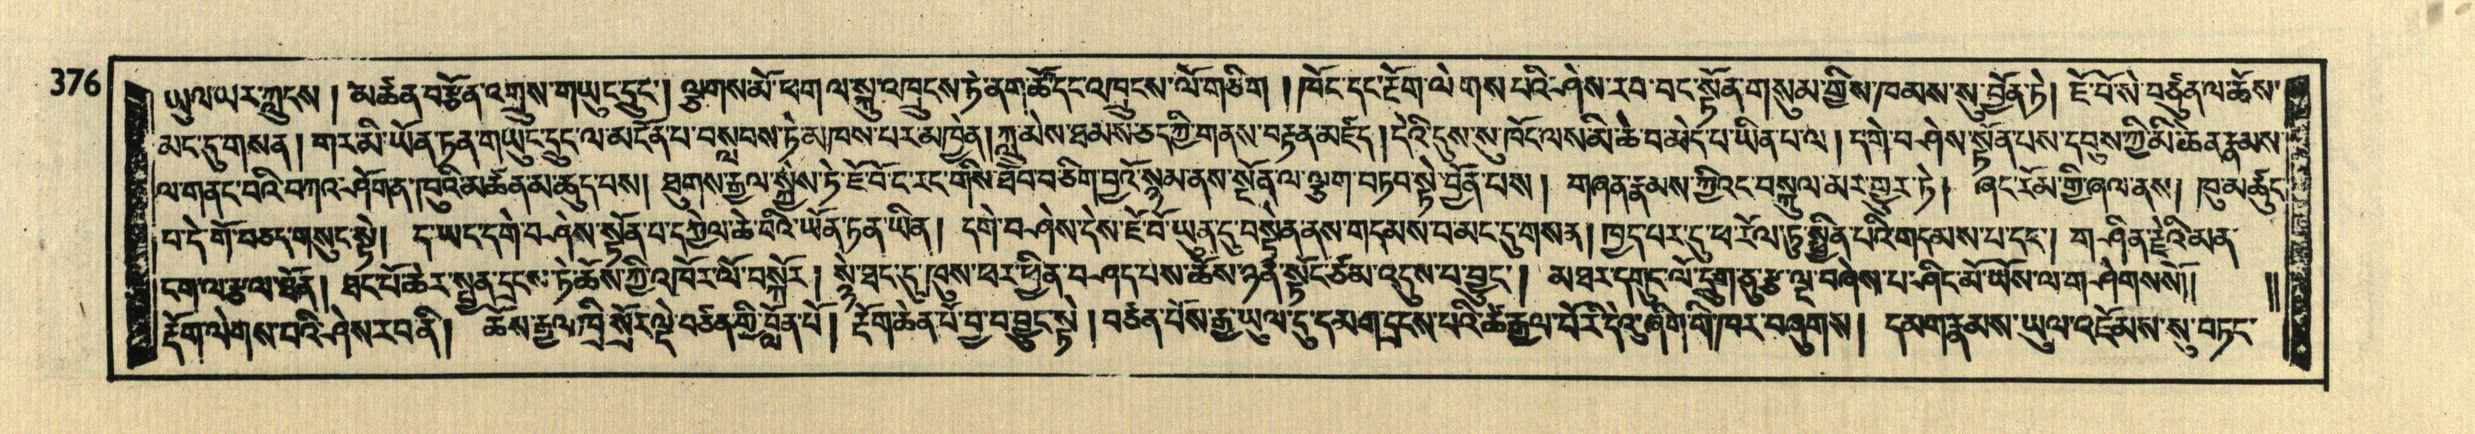ཡུལ་ཡར་ཀླུངས། མཚན་བརྩོན་འགྲུས་གཡུང་དྲུང་། ལྕགས་མོ་ཕག་ལ་སྐུ་འཁྲུངས་ཏེ་ནག་ཚོ་དང་འཁྲུངས་ལོ་གཅིག། ཁོང་དང་རྔོག་ལེགས་པའི་ཤེས་རབ་བང་སྟོན་གསུམ་གྱིས་ཁམས་སུ་བྱོན་ཏེ། ཇོ་བོ་སེ་བཙུན་ལ་ཆོས་
མང་དུ་གསན། གར་མི་ཡོན་ཏན་གཡུང་དྲུང་ལ་མངོན་པ་བསླབས་ཏེ་མཁས་པར་མཁྱེན། ཀླུ་མེས་ཐམས་ཅད་ཀྱི་གནས་བརྟན་མཛད། དེའི་དུས་སུ་ཁོང་ལས་མི་ཆེ་བ་མེད་པ་ཡིན་པ་ལ། དགེ་བཤེས་སྟོན་པས་དབུས་ཀྱི་མི་ཆེན་རྣམས་
ལ་གནང་བའི་བཀའ་ཤོག་ན་ཁུའི་མཚན་མ་ཆུད་པས། ཐུགས་རྒྱལ་སྐྱེས་ཏེ་ཇོ་བོ་ང་རང་གིས་ཐོབ་བ་ཅིག་བྱའོ་སྙམ་ནས་སྔོན་ལ་ལྕག་བཏབ་སྟེ་བྱོན་པས། གཞན་རྣམས་ཀྱིའང་བསྐུལ་མར་གྱུར་ཏེ། ཞང་རོམ་གྱི་ཞལ་ནས། ཁུ་མཚུང་
པ་དེ་གོ་བཅད་གསུང་སྟེ། ད་ཡང་དགེ་བཤེས་སྟོན་པ་དཀྱེལ་ཆེ་བའི་ཡོན་ཏན་ཡིན། དགེ་བཤེས་དེས་ཇོ་བོ་ཡུན་དུ་བསྟེན་ནས་གདམས་པ་མང་དུ་གསན། ཁྱད་པར་དུ་ཕ་རོལ་ཏུ་སྦྱིན་པའི་གདམས་པ་དང་། གཤིན་རྗེའི་མན་
ངག་ལ་རྩལ་ཐོན། ཐང་པོ་ཆེར་སྤྱན་དྲངས་ཏེ་ཆོས་ཀྱི་འཁོར་ལོ་བསྐོར། སྙེ་ཐང་དུ་ཁུས་ཕར་ཕྱིན་བཤད་པས་ཆོས་ཉན་སྟོང་ཙམ་འདུས་པ་བྱུང་། མཐར་དགུང་ལོ་དྲུག་ཅུ་རྩ་ལྔ་བཞེས་པ་ཤིང་མོ་ཡོས་ལ་གཤེགས་སོ།། །།
རྡོག་ལེགས་པའི་ཤེས་རབ་ནི། ཆོས་རྒྱལ་ཁྲི་སྲོང་ལྡེ་བཙན་གྱི་བློན་པོ། རྡོག་ཆེན་པོ་བྱ་བ་བྱུང་སྟེ། བཙན་པོས་རྒྱ་ཡུལ་དུ་དམག་དྲངས་པའི་ཚེ་རྒྱལ་པོ་རི་དེའུ་ཞིག་གི་ཁར་བཞུགས། དམག་རྣམས་ཡུལ་འཇོམས་སུ་བཏང་